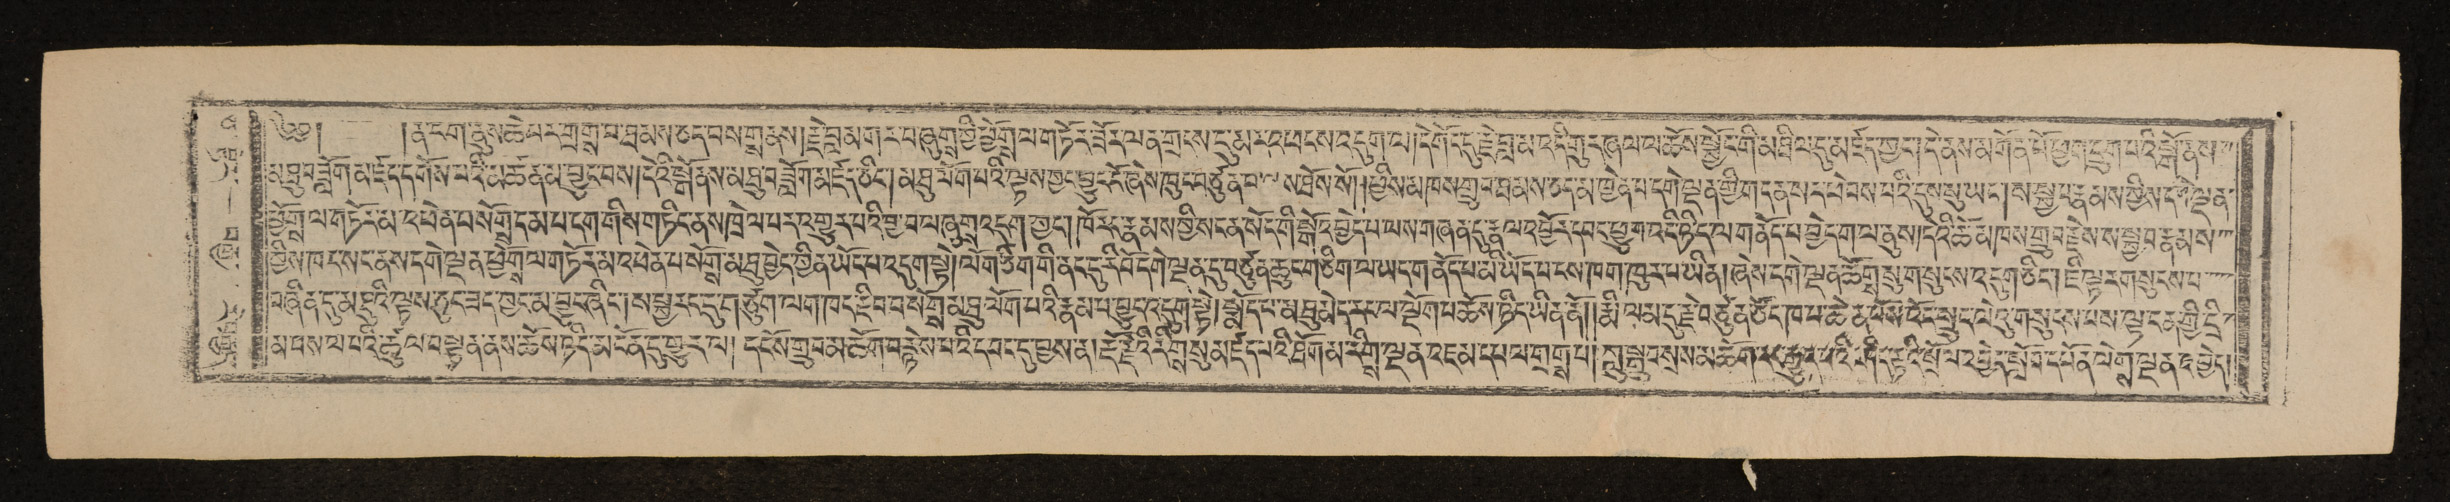༄༅། །ན་ངག་ནུས་ཆེ་བར་གྲགས་པ་ཐམས་ཅད་བསགས་ནས། རྗེ་བླ་མ་གར་བཞུགས་ཀྱི་ཕྱོགས་ལ་གཏོར་ཟོར་ལན་གྲངས་དུ་མར་འཕངས་འདུག་ལ། དེ་གོང་དུ་རྗེ་བླ་མ་འདི་གུར་ཞལ་ལ་ཆོས་སྐྱོང་གེ་མཐེལ་དུ་མཛད་ཀྱང་། དེ་ནས་མགོན་པོ་ཕྱག་དྲུག་པའི་སྒོ་ནས་
མཐུ་བཟློག་མཛད་དགོས་པའི་མཚན་མ་བྱུང་བས། དེའི་སྒོ་ནས་མཐུ་བཟློག་མཛད་ཅིང་། མཐུ་ལོག་པའི་ལྟས་ཀྱང་བྱུང་ངོ་ཞེས་ཁུང་བཙུན་པ་ལས་ཐོས་སོ། །ཕྱིས་མཁས་གྲུབ་ཐམས་ཅད་མཁྱེན་པ་དགེ་ལྡན་གྱི་གདན་སར་ཕེབས་པའི་དུས་སུ་ཡང་། ས་སྐྱ་པ་རྣམས་ཀྱིས་དགེ་ལྡན་
ཕྱོགས་ལ་གཏོར་མ་འཕེན་པ་སོགས་དམ་པ་དག་གིས་གཏིང་ནས་ཁྲེལ་བར་འགྱུར་བའི་བྱ་བ་ལ་ཞུགས་འདུག་ཀྱང་། ཁོ་རང་རྣམས་ཀྱིས་ངན་སོང་གི་སྒོ་འབྱེད་པ་ལས་གཞན་དུ་རྣལ་འབྱོར་དབང་ཕྱུག་འདི་ཉིད་ལ་གནོད་པ་བྱེད་ག་ལ་ནུས། དེའི་ཚེ་མཁས་གྲུབ་རྗེས་ས་སྐྱ་པ་རྣམས་
ཀྱིས་ཁང་སང་ནས་དགེ་ལྡན་ཕྱོགས་ལ་གཏོར་མ་འཕེན་པ་སོགས་མཐུ་བྱེད་ཀྱིན་ཡོད་པ་འདུག་སྟེ། ལོ་གཅིག་གི་ནང་དུ་རི་བོ་དགེ་ལྡན་དུ་བཙུན་ཆུང་གཅིག་ལ་ཡང་གནོད་པ་མི་ཡོང་པ་ངས་ཁག་ཁུར་བ་ཡིན། ཞེས་དགེ་ལྡན་ཚོགས་སུ་གསུངས་འདུག་ཅིང་། ཇི་ལྟར་གསུངས་པ་
བཞིན་དུ་མཐུའི་ལྟས་ཅུང་ཟད་ཀྱང་མ་བྱུང་ཞིང་། ས་སྐྱ་རང་དུ་གཙུག་ལག་ཁང་རྡིང་པ་སོགས་མཐུ་ལོག་པའི་རྣམ་པ་བྱུང་འདུག་སྟེ། སྨོད་པ་མཐུ་མེད་རང་ལ་ལྡོག་པ་ཆོས་ཉིད་ཡིན་ནོ། །རྨི་ལམ་དུ་རྗེ་བཙུན་ཙོང་ཁ་པ་ཆེན་པོས་འོད་སྲུང་ལེའུ་གསུངས་པས་ལྟ་ངན་གྱི་དྲི་
མ་བསལ་བའི་ཚུལ་བསྟན་ནས་ཆོས་ཉིད་མངོན་དུ་གྱུར་ལ། དངོས་གྲུབ་མཆོག་བརྙེས་པའི་དབང་དུ་བྱས་ན། རྡོ་རྗེའི་རིགས་སུ་མཛད་པའི་ཐོག་མ་རིགས་ལྡན་འཇམ་དཔལ་གྲགས་པ། ཀླུ་སྒྲུབ་སྲས་མཆོག་རང་རྒྱུད་པའི་ཤིང་རྟའི་སྲོལ་འབྱེད་སློབ་དཔོན་ལེགས་ལྡན་འབྱེད།